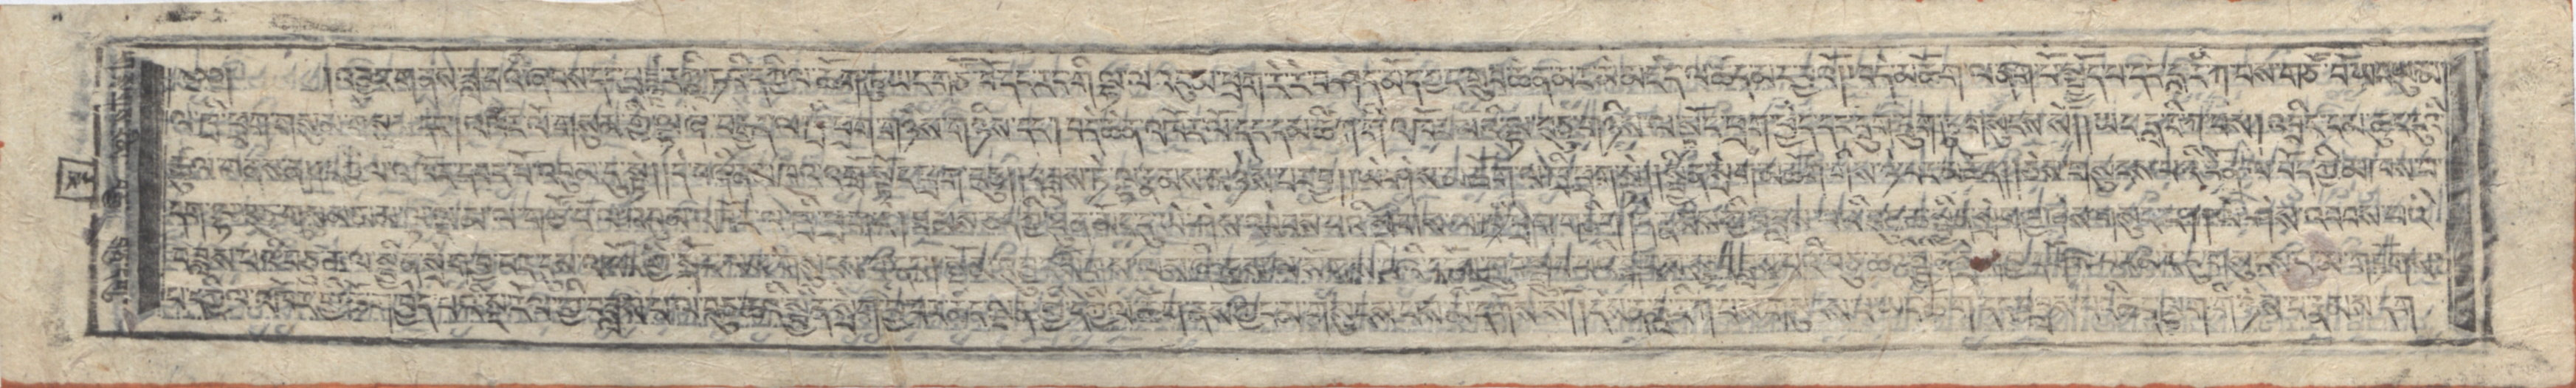༄༅། །འབྱུང་གནས་ཟླ་བའི་ཞབས་དང་པྲཛཉཱ་རཀྵི་ཏའི་དཀྱིལ་ཆོག་ཏུ་ཡང་གཙོ་བོ་དང་རང་གི་ལྷ་ལ་འབུམ་ཕྲག་རེ་རེ་བཤད་མོད་ཀྱང་གྲུབ་ཆེན་མར་མེ་མཛད་ལ་ཚད་མར་བྱའོ། །བདེ་མཆོག་ལ་ནག་པོ་སྤྱོད་པ་དང་དཱ་རི་ཀ་པས་གཙོ་བོ་ཡབ་ཡུམ་
ལ་ཁྲི་ཕྲག་གསུམ་གསུམ་དང་། འཁོར་ལོ་གསུམ་གྱི་ལྷ་ཞི་བརྒྱད་ལ་ཁྲི་ཕྲག་གཉིས་གཉིས་དང་། བདེ་ཆེན་འཁོར་ལོ་དང་དམ་ཚིག་གི་འཁོར་ལོའི་ལྷ་བཅུ་གཉིས་ལ་སྟོང་ཕྲག་ཕྱེད་དང་དྲུག་དྲུག་ཏུ་གསུངས་སོ། །ཡང་དཱ་རི་ཀ་པས། འབྲིང་ངམ་ཆུང་ངུའི་
ཚུལ་གནས་ན། །དཀྱིལ་འཁོར་དབང་པོ་འབུམ་དུ་སྟེ། །དེ་བཞིན་མཁའ་འགྲོ་སྟོང་ཕྲག་བཅུ། །བཟླས་ཏེ་ལྷ་རྣམས་མཉེས་པར་བྱ། །ཡེ་ཤེས་མཆོག་ལ་ཁྲི་ཕྲག་སྟེ། །སྦྱིན་སྲེག་མཆོག་གིས་ཉེ་བར་མཆོད། །ཅེས་གསུངས་པའི་དོན་ལ་བོད་ཀྱི་མཁས་པ་
དག་ལྷ་བཅུ་གསུམ་མམ་ལྷ་ལྔ་མ་ལ་གཙོ་བོ་ལ་འབུམ་འཁོར་ལ་ཁྲི་ཕྲག་རེ། ཐམས་ཅད་ཀྱི་ཐུན་མོང་དུ་ཡེ་ཤེས་འབེབས་པའི་སྔགས་ལ་ཁྲི་ཕྲག་གཅིག །དེ་རྣམས་ཀྱི་བཟླས་པའི་བཅུ་ཆ་སྦྱིན་སྲེག་བྱ་ཞེས་གསུང་ངོ། །ཡེ་ཤེས་འབབས་པའི་
བཟླས་པའི་བཅུ་ཆ་ལ་སྦྱིན་སྲེག་བྱ་བར་དུས་འཁོར་གྱི་སྐོར་ལས་གསུངས་པ་དང་། སྡོམ་འབྱུང་སོགས་ལས་ཞི་རྒྱས་ལ་སོགས་པའི་དངོས་གྲུབ་སྒྲུབ་པའི་སྐབས་སུ་བཟླས་པའི་བཅུ་ཆའི་སྦྱིན་སྲེག་བྱ་དགོས་པར་མང་དུ་གསུངས་པ་མ་གཏོགས་
པ་དཀྱིལ་འཁོར་གྱི་ཆོ་ག་བྱེད་པའི་སྔ་རོལ་གྱི་བཟླས་པ་ལ་བཅུ་ཆའི་སྦྱིན་སྲེག་བྱ་བར་ཚད་ལྡན་གྱི་དཀྱིལ་ཆོག་ནས་ཀྱང་མ་གསུངས་པས་མི་དགོས་སོ། །དེས་ན་དཱ་རི་ཀ་པས་གསུངས་པ་ཡང་ཆོ་ག་དང་བཟླས་པའི་ཆད་ལྷག་གི་ཉེས་པ་རྣམས་དག་